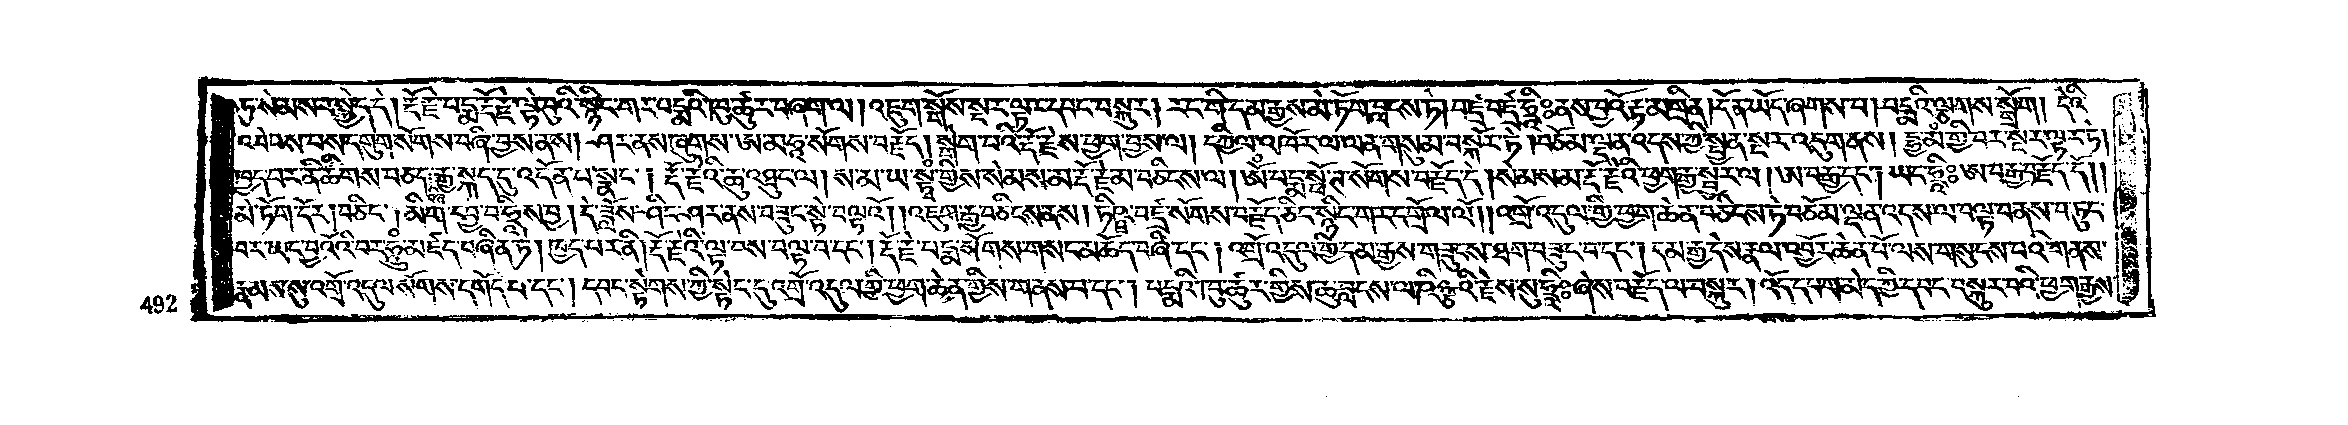ཏུ་སེམས་བསྐྱེད་དེ། རྡོ་རྗེ་པདམ་རྡོ་རྗེ་ལྟེ་བུའི་སྙིང་གར་པདམའི་ཁུ་ཚུར་བཞག་ལ། འཇུག་སྒོས་སྔར་ལྟར་དབང་བསྐུར། རང་གི་དམ་རྒྱས་མེ་ཏོག་བླངས་ཏེ། བཛྲ་བཛྲ་ཧྲཱིཿ ནས་བྱའོ་རྟ་མགྲིན། དོན་ཡོད་ཞགས་པ། པདམའི་ལྕགས་སྒྲོག། དེའི་
འབེབས་པས་དགུག་སོགས་བཞི་བྱས་ནས། ཤར་ནས་ཞུགས་ཨ་མཧཱ་སོགས་བརྗོད། སྒེག་པའི་རྡོ་རྗེས་ཕྱག་བྱས་ལ། དཀྱིལ་འཁོར་ལ་ལན་གསུམ་བསྐོར་ཏེ། བཅོམ་ལྡན་འདས་ཀྱི་སྤྱན་སྔར་འདུག་ནས། དྷྱ་མཾ་གྱི་བར་སྔར་ལྟར་ཏེ།
ཁྱད་པར་ནི་ཚིགས་བཅད་བཞི་རྒྱ་སྐད་དུ་འདོན་པ་སྣང་། རྡོ་རྗེའི་ཆུ་འཐུང་ལ། ས་མ་ཡ་སྟྭཾ་གྱིས་སེམས་མ་རྡོ་རྗེ་མ་བཅིངས་ལ། ཨོཾ་པདམ་སྥོ་ཊ་སོགས་བརྗོད་དེ། སེམས་མ་རྡོ་རྗེའི་ཕྱག་རྒྱ་སྦྱར་ལ། ཨ་བརྒྱ་དང་། ཡང་ཧྲཱིཿ ཨ་བརྒྱ་བརྗོད་དོ། །
མེ་ཏོག་དོར། བཅིང་། མིག་དབྱེ་བ་ཧྲཱིས་བྱ། དེ་ཟློས་ཤིང་ཤར་ནས་བཟུང་སྟེ་བལྟའོ། །འཇུག་རྒྱ་བཅིངས་ནས། ཏིཥཊཿཨ་བཛྲ་སོགས་བརྗོད་ཅིང་སྙིང་གར་དགྲོལ་ལོ། །འགྲོ་འདུལ་གྱི་ཕྱག་ཆེན་བཅིངས་ཏེ་བཅོམ་ལྡན་འདས་ལ་བལྟ་བ་ནས་བ་ཏུང་
བར་ཡང་བྱའོའི་བར་ཧཱུཾ་མཛད་བཞིན་ཏེ། ཁྱད་པར་ནི། རྡོ་རྗེའི་ལྟ་བས་བལྟ་བ་དང་། རྡོ་རྗེ་པདམ་སོགས་གསང་མཆོད་བཞི་དང་། འགྲོ་འདུལ་གྱི་དམ་རྒྱས་གཟུངས་ཐག་བཟུང་བ་དང་། དམ་རྒྱ་དེས་རྣལ་འབྱོར་ཆེན་པོ་ལས་གསུངས་པའི་གནས་
རྣམས་སུ་འགྲོ་འདུལ་སོགས་དགོད་པ་དང་། དབང་སྟེགས་ཀྱི་སྟེང་དུ་འགྲོ་འདུལ་གྱི་ཕྱག་ཆེན་གྱིས་གནས་པ་དང་། པདམའི་ཁུ་ཚུར་གྱིས་ཆུ་བླངས་ལ་ཥིཉྩའི་རྗེས་སུ་ཧྲཱིཿ ཞེས་བརྗོད་ལ་བསྐུར། འོད་དཔག་མེད་ཀྱི་དབང་བསྐུར་བའི་ཕྱག་རྒྱས་